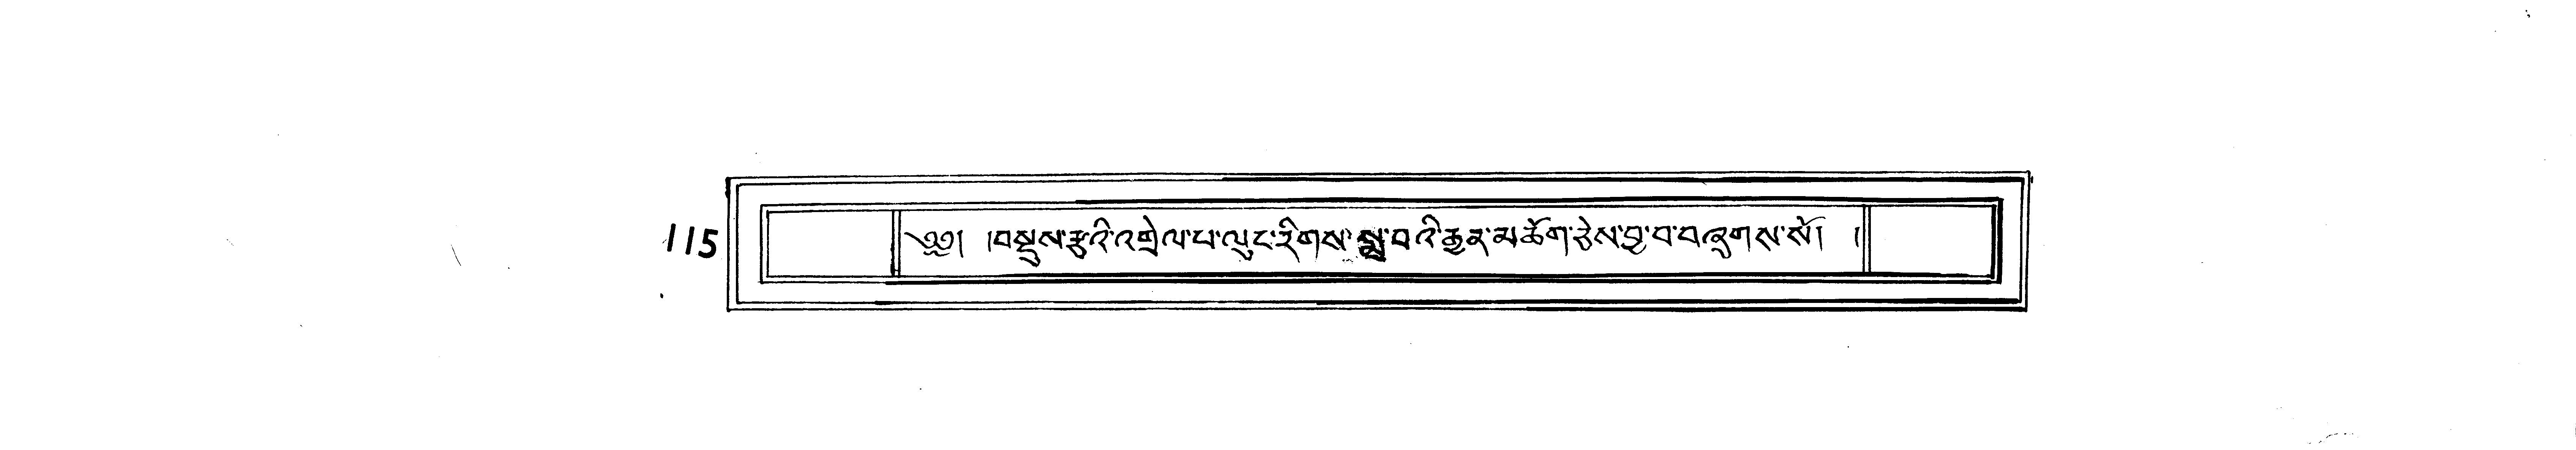༄༅། །བསྡུས་རྩའི་འགྲེལ་པ་ལུང་རིགས་སྨྲ་བའི་རྒྱན་མཆོག་ཅེས་བྱ་བ་བཞུགས་སོ། །